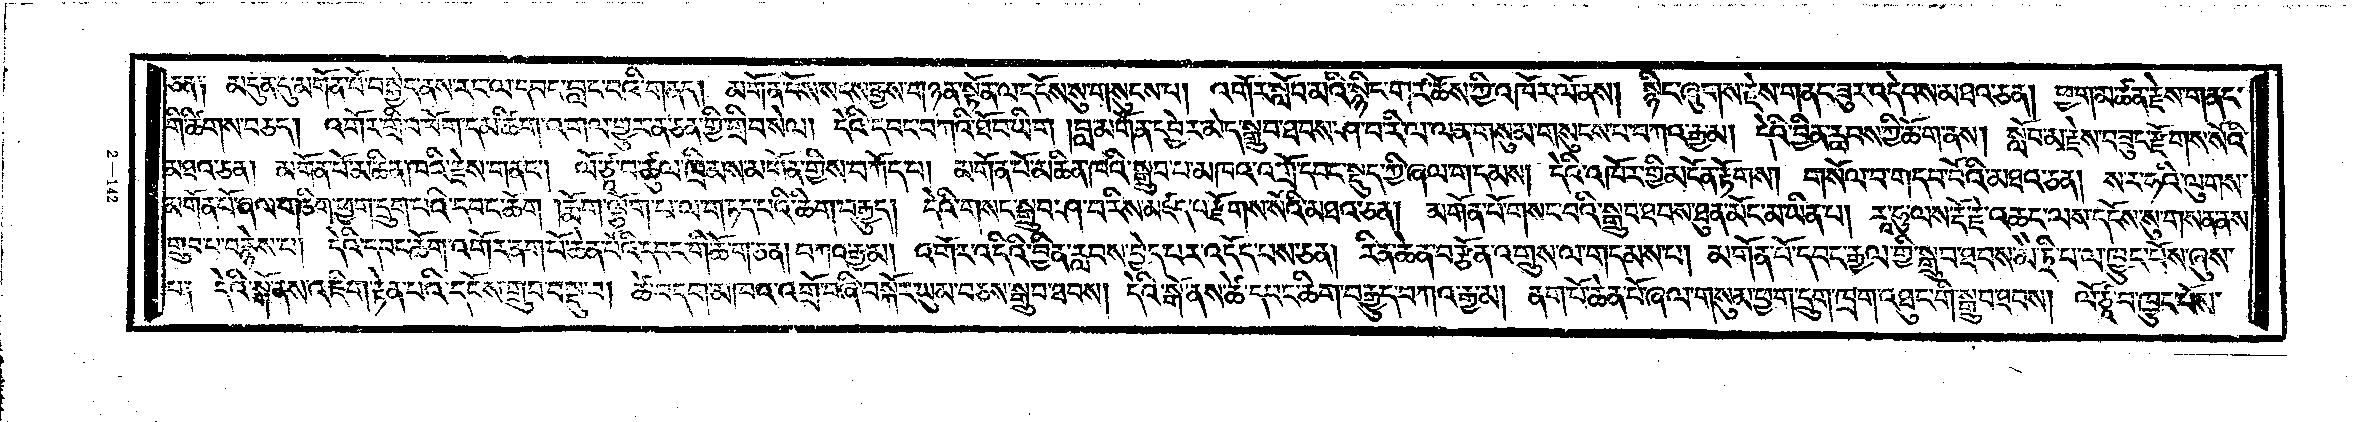ཅན༑ མདུན་དུ་མགོན་པོ་བསྐྱེད་ནས་རང་ལ་དབང་བླང་པའི་གནད། མགོན་པས་སངས་རྒྱས་གཉན་སྟོན་ལ་དངོས་སུ་གསུངས་པ། འགོར་སློབ་མའི་སྙིང་གར་ཆོས་ཀྱི་འཁོར་ལོ་ནས། སྙིང་ཞུགས་རྗེས་གནང་ཟུར་འདེབས་མཐའ་ཅན། ཕྱག་མཚན་རྗེས་གནང་
གི་ཚིགས་བཅད། འགོར་གྲིབ་ཕོག་དམ་ཚིག་འགལ་གྱུར་ན་ཅན་གྱི་གྲིབ་སེལ། དེའི་དབང་བཀའི་ཐོབ་ཡིག །བླ་མགོན་དབྱེར་མེད་སྒྲུབ་ཐབས་ཤ་བ་རི་ལ་ལན་གསུམ་གསུངས་པ་བཀའ་རྒྱ་མ། དེའི་བྱིན་རླབས་ཀྱི་ཆོ་ག་ནས། སློབ་མ་རྗེས་བཟུང་རྫོགས་སོའི་
མཐའ་ཅན། མགོན་པོ་མཆིན་ཁའི་རྗེས་གནང་། ལོ་ཙཱ་བ་ཚུལ་ཁྲིམས་མགོན་གྱིས་བཀོད་པ། མངོན་པོ་མཆིན་ཁའི་སྒྲུབ་པ་མཁའ་འགྲོ་དབང་སྡུད་ཀྱི་ཞལ་གདམས། དེའི་འཁོར་གྱི་མངོན་རྟོགས། གསོལ་བ་གདབ་བོའི་མཐའ་ཅན། ས་ར་ཧའི་ལུགས་
མགོན་པོ་ཞལ་གཅིག་ཕྱག་དྲུག་པའི་དབང་ཆོག །རྨོག་ལྕོག་པ་ལ་གཏད་པའི་ཆིག་བརྒྱུད། དེའི་གསང་སྒྲུབ་ཤ་བ་རིས་མཛད་པ་རྫོགས་སོའི་མཐའ་ཅན། མགོན་པོ་གསང་བའི་སྒྲུབ་ཐབས་ཐུན་མོང་མ་ཡིན་པ། རཱ་ཧུ་ལས་རྡོ་རྗེ་འཆང་ལས་དངོས་སུ་གསན་ནས་
གྲུབ་པ་བརྙེས་པ། དེའི་དབང་ཆོག་འགོར་ནག་པོ་ཆེན་པོའི་དབང་གི་ཆོ་ག་ཅན། བཀའ་རྒྱ་མ། འགོར་འདིའི་བྱིན་རླབས་བྱེད་པར་འདོད་པས་ཅན། རིན་ཆེན་བརྩོན་འགྲུས་ལ་གདམས་པ། མགོན་པོ་དབང་རྒྱལ་གྱི་སྒྲུབ་ཐབས་མཻ་ཏྲི་པ་ལ་ཁྱུང་པོས་ཞུས་
པ༑ དེའི་སྒོ་ནས་འཇིག་རྟེན་པའི་དངོས་གྲུབ་བསྡུ་པ། ཚེ་བདག་མཁའ་འགྲོ་བཞི་བསྐོར་ཡུམ་བཅས་སྒྲུབ་ཐབས། དེའི་སྒོ་ནས་ཚེ་དབང་ཆིག་བརྒྱུད་བཀའ་རྒྱ་མ། ནག་པོ་ཆེན་པོ་ཞལ་གསུམ་ཕྱག་དྲུག་ཁྲག་འཐུང་གི་སྒྲུབ་ཐབས། ལོ་ཙཱ་བ་ཁྱུང་པོས་